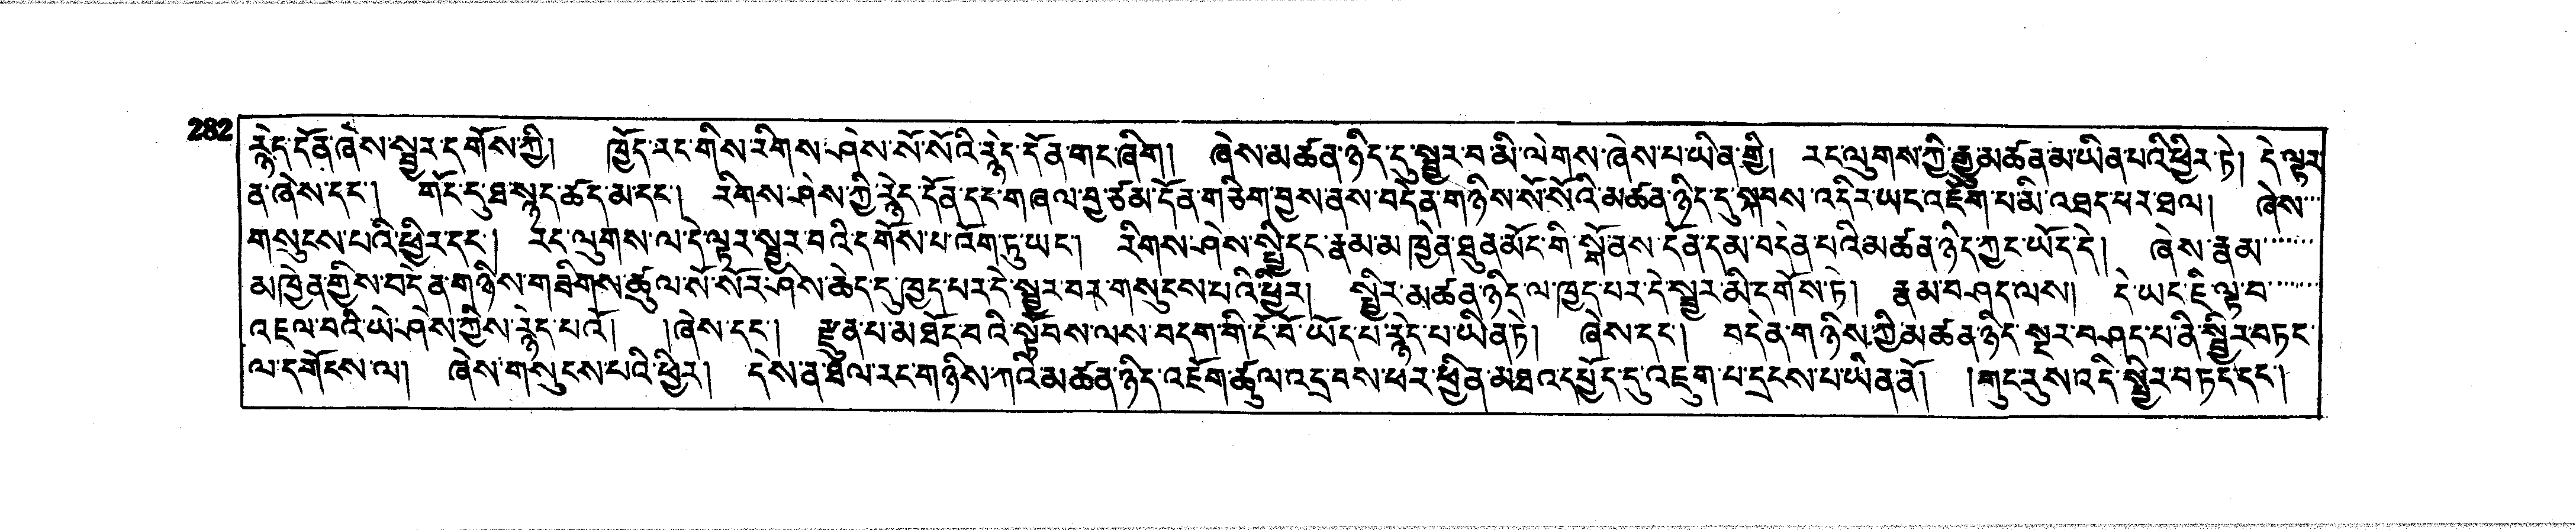རྙེད་དོན་ཞེས་སྦྱར་དགོས་ཀྱི། ཁྱོད་རང་གིས་རིགས་ཤེས་སོ་སོའི་རྙེད་དོན་གང་ཞིག། ཞེས་མཚན་ཉིད་དུ་སྦྱར་བ་མི་ལེགས་ཞེས་པ་ཡིན་གྱི། རང་ལུགས་ཀྱི་རྒྱུ་མཚན་མ་ཡིན་པའི་ཕྱིར་ཏེ། དེ་ལྟར་
ན་ཞེས་དང་། གོང་དུ་ཐ་སྙད་ཚད་མ་དང་། རིགས་ཤེས་ཀྱི་རྙེད་དོན་དང་གཞལ་བྱ་ཙམ་དོན་གཅིག་བྱས་ནས་བདེན་གཉིས་སོ་སོའི་མཚན་ཉིད་དུ་སྐབས་འདིར་ཡང་འཇོག་པ་མི་འཐད་པར་ཐལ། ཞེས་
གསུངས་པའི་ཕྱིར་དང་། རང་ལུགས་ལ་དེ་ལྟར་སྦྱར་བའི་དགོས་པ་འོག་ཏུ་ཡང་། རིགས་ཤེས་སྤྱི་དང་རྣམ་མཁྱེན་ཐུན་མོང་གི་སྒོ་ནས་དོན་དམ་བདེན་པའི་མཚན་ཉིད་ཀྱང་ཡོད་དེ། ཞེས་རྣམ་
མཁྱེན་གྱིས་བདེན་གཉིས་གཟིགས་ཚུལ་སོ་སོར་ཤེས་ཆེད་དུ་ཁྱད་པར་དེ་སྦྱར་བར་གསུངས་པའི་ཕྱིར། སྤྱིར་མཚན་ཉིད་ལ་ཁྱད་པར་དེ་སྦྱར་མི་དགོས་ཏེ། རྣམ་བཤད་ལས། དེ་ཡང་ཇི་ལྟ་བ་
འཇལ་བའི་ཡེ་ཤེས་ཀྱིས་རྙེད་པའོ། །ཞེས་དང་། རྫུན་པ་མཐོང་བའི་སྟོབས་ལས་བདག་གི་ངོ་བོ་ཡོད་པ་རྙེད་པ་ཡིན་ཏེ། ཞེས་དང་། བདེན་གཉིས་ཀྱི་མཚན་ཉིད་སྔར་བཤད་པ་ནི་སྦྱིར་བཏང་
ལ་དགོངས་ལ། ཞེས་གསུངས་པའི་ཕྱིར། དེས་ན་ཐལ་རང་གཉིས་ཀའི་མཚན་ཉིད་འཇོག་ཚུལ་འདྲ་བས་ཕར་ཕྱིན་མཐའ་དཔྱོད་དུ་འཇུག་པ་དྲངས་པ་ཡིན་ནོ། །གུང་རུས་འདི་སྤྱིར་བཏང་དང་།